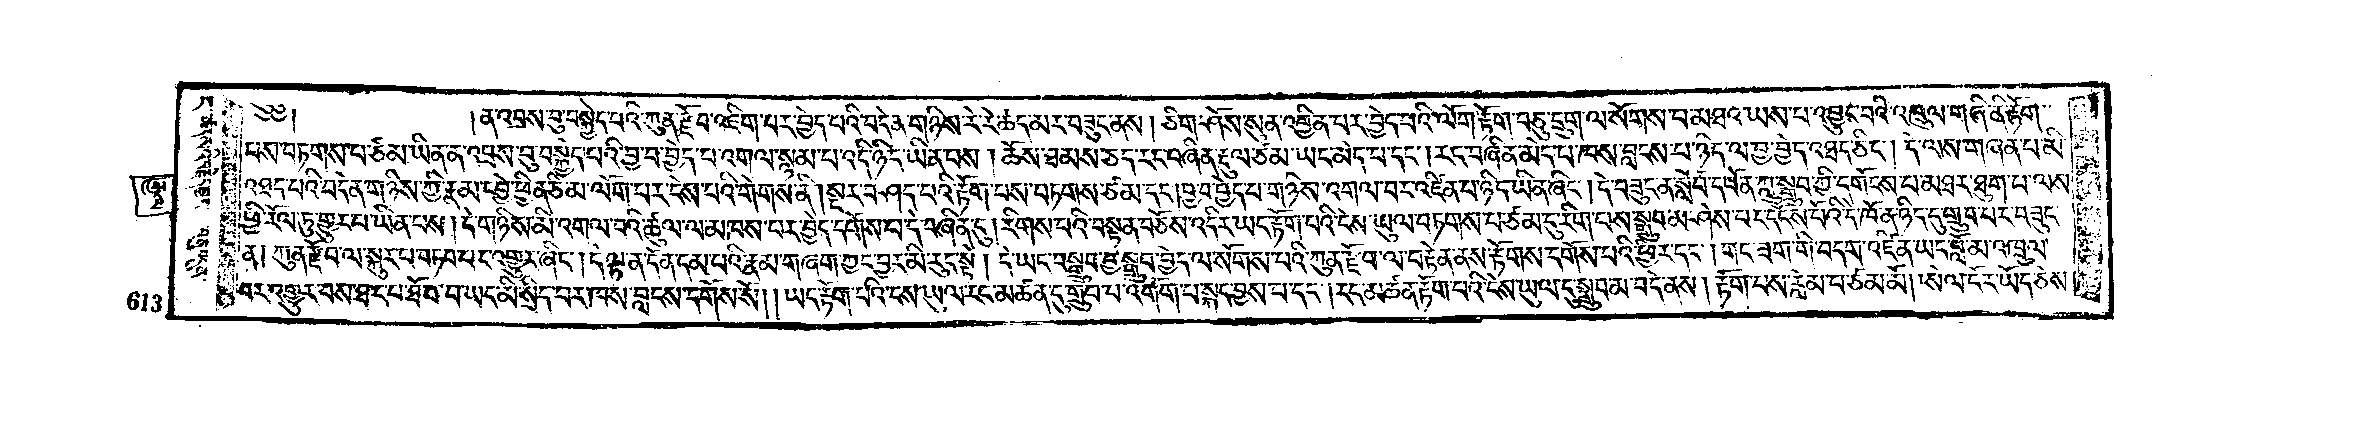༄༅། །ན་འབྲས་བུ་བསྐྱེད་པའི་ཀུན་རྫོབ་འཇིག་པར་བྱེད་པའི་བདེན་གཉིས་རེ་རེ་ཚད་མར་བཟུང་ནས། ཅིག་ཤོས་སུན་འགྱིན་པར་བྱེད་པའི་ལོག་རྟོག་བཅུ་དྲུག་ལ་སོགས་པ་མཐའ་ཡས་པ་འབྱུང་བའི་འཁྲུལ་གཞི་ནི་རྟོག་
པས་བཏགས་པ་ཙམ་ཡིན་ན་འབྲས་བུ་བསྐྱེད་པའི་བྱང་བ་བྱེད་པ་འགལ་སྙམ་པ་འདི་ཉིད་ཡིན་པས། ཆོས་ཐམས་ཅད་རང་བཞིན་རྡུ་ལ་ཙམ་ཡང་མེད་པ་དང་། རང་བཞིན་མེད་པ་ཁས་བླངས་པ་ཉིད་ལ་བྱ་བྱེད་འཐད་ཅིང་། དེ་ལས་གཞན་པ་མི་
འཐད་པའི་བདེན་གཉིས་ཀྱི་རྣམ་དབྱེ་ཕྱིན་ཅི་མ་ལོག་པར་ངེས་པའི་གེགས་ནི། སྔར་བཤད་པའི་རྟོག་པས་བཏགས་ཙམ་དང་། བྱ་བ་བྱེད་པ་གཉིས་འགལ་བར་འཛིན་པ་ཉིད་ཡིན་ཞིང་། དེ་བཟུང་ན་སློབ་དབོན་ཀླུ་སྒྲུབ་ཀྱི་དགོངས་པ་མཐར་ཐུག་པ་ལས་
ཕྱི་རོལ་ཏུ་གྱུར་པ་ཡིན་པས། དེ་གཉིས་མི་འགལ་བའི་ཚུལ་ལ་མཁས་པར་བྱེད་དགོས་པ་དེ་བཞིན་དུ། རིགས་པའི་བསྟན་བསྟན་བཅོས་འདིར་ཡང་རྟོག་པའི་ངེས་ཡུལ་བཏགས་པ་ཙམ་དུ་རིག་པས་སྒྲུབ་མ་ཤེས་པར་དངོས་པོའི་དེ་ཁོ་ན་ཉིད་དུ་གྲུབ་པར་བཟུང་
ན། ཀུན་རྫོབ་ལ་སྐུར་པ་བཏབ་པར་འགྱུར་ཞིང་། དེ་ལྟ་ན་དོན་དམ་པའི་རྣམ་གཞག་ཀྱང་བྱར་མི་རུང་སྟེ། དེ་ཡང་བསྒྲུབ་བྱ་སྒྲུབ་བྱེད་ལ་སོགས་པའི་ཀུན་རྫོབ་ལ་བརྟེན་ནས་རྟོགས་དགོས་པའི་ཕྱིར་དང་། གང་ཟག་གི་བདག་འཛིན་ཡང་བློ་མ་འཁྲུལ་
བར་འགྱུར་བས་ཐར་པ་ཐོབ་པ་ཡང་མི་སྲིད་པར་ཁས་བླངས་དགོས་སོ། །ཡང་རྟོག་པའི་ངས་ཡུལ་རང་མཚན་དུ་གྲུབ་པ་འགོག་པ་སྐད་བྱས་པ་དང་། རང་མཚན་རྟོག་པའི་ངེས་ཡུལ་དུ་སྒྲུབ་མ་བདེ་ནས། རྟོག་པས་རླེམ་པ་ཙམ་མོ། །སེལ་ངོར་ཡོད་ཅེས་